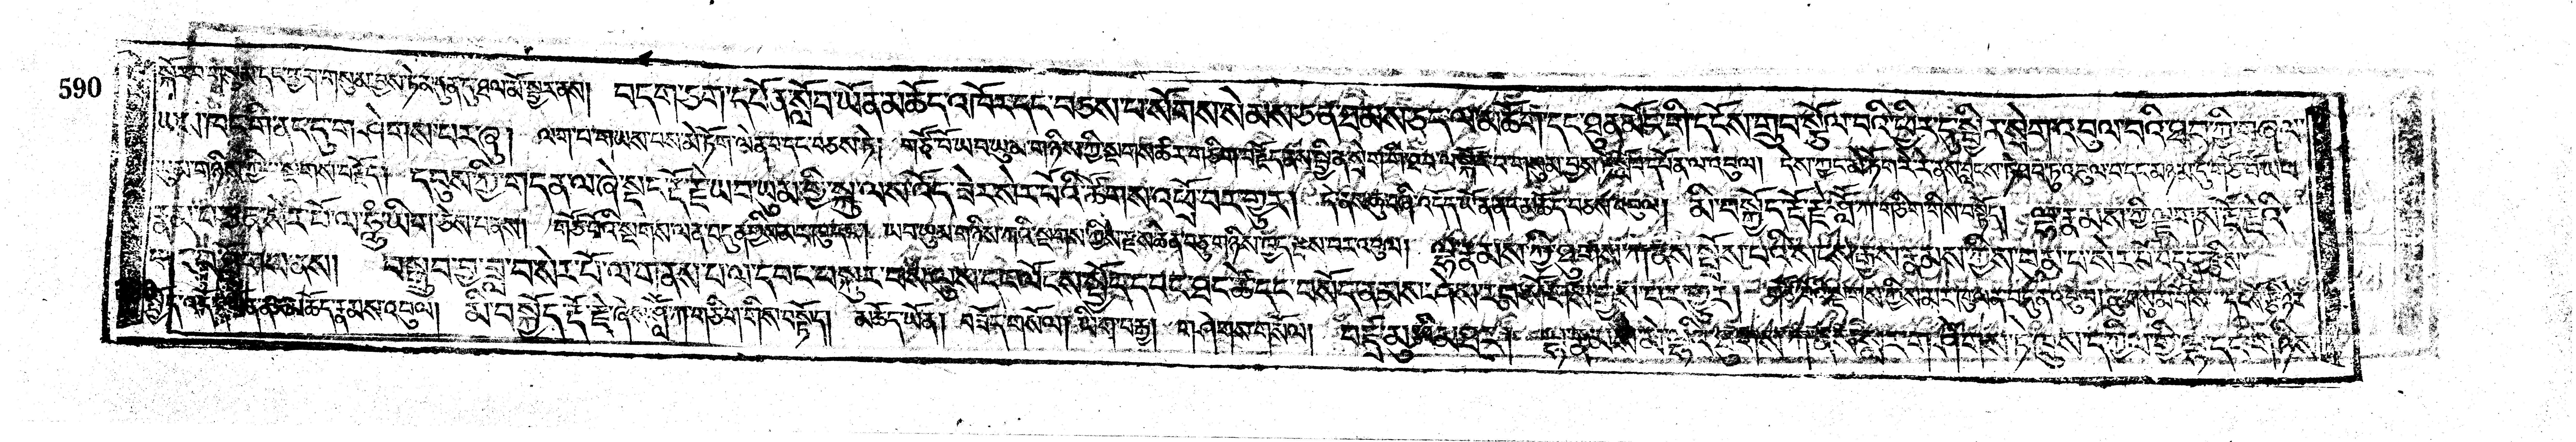སྐོར་བ་གསུམ་དང་ཕྱག་གསུམ་བྱས་ཉེན་དུན་དུ་ཐལ་མོ་སྦྱར་ནས། བདག་ཅག་དཔོན་སློབ་ཡོན་མཆོད་འཁོར་དང་བཅས་པ་སོགས་སེམས་ཅན་ཐམས་ཅད་ལ་མཆོག་དང་ཐུན་མོང་གི་དངོས་གྲུབ་སྩོལ་བའི་ཕྱིར་དུ་སྦྱིན་སྲེག་འབུལ་བའི་ཐབ་ཀྱི་གཞལ་
ཡས་ཁང་གི་ནང་དུ་གཤེགས་པར་ཞུ། ལག་པ་གཡས་བས་མེ་ཏོག་ལེན་བ་དང་བཅས་ཏེ། གཙོ་བོ་ཡབ་ཡུམ་གཉིས་ཀྱི་སྔགས་ཚར་གཅིག་བརྗོད་ནས་སྦྱིན་སྲེག་གི་ཐབ་ལ་སྐོར་བ་གསུམ་བྱས་ཏེ་སློབ་དཔོན་ལ་འབུལ། དེས་ཀྱང་མེ་ཏོག་རེ་རེ་ནས་བླངས་ཏེ་ཐབ་ཏུ་འབུལ་བ་དང་མཉམ་དུ་གཙོ་བོ་ཡབ་
ཡུམ་གཉིས་ཀྱི་་་སྔགས་བརྗོད། དབུས་ཀྱི་གདན་ལ་ཞེ་སྡང་རྡོ་རྗེ་ཡབ་ཡུམ་གྱི་སྐུ་ལས་འོད་ཟེར་སེར་པོའི་ཚོགས་འཕྲོ་བར་གྱུར། དེ་ནས་ཆུ་བཞི་འདོད་ཡོན་ནང་མཆོད་བཅས་འབུལ།  མི་བསྐྱོད་རྡོ་རྗེ་ཤླཽ་ཀ་གཅིག་གིས་བསྟོད།  ལྷ་རྣམས་ཀྱི་ལྗགས་རྡོ་རྗེའི་
རྣམ་པ་ཅན་སེར་པོ་ལ་ཧཱུཾ་ཡིག་ཅེས་པ་ནས། གཙོ་བོའི་སྔགས་ལན་བདུན་གྱིས་མར་ཁུ་དང་། ཡབ་ཡུམ་གཉིས་ཀའི་སྔགས་ཀྱིས་རྫས་ཆེན་བཅུ་གཉིས་ཁྱད་རྫས་བར་འབུལ།  ལྷ་རྣམས་ཀྱི་ཐུགས་ཀ་ནས་སྤྲོས་པའི་སངས་རྒྱས་རྣམས་ཀྱིས་བུམ་པ་སེར་བོ་བདུད་རྩིས་
གང་བ་ཐོགས་ནས། བསྒྲུབ་བྱ་ཟླ་བ་སེར་པོ་ལ་གནས་པ་ལ་དབང་བསྐུར་བས་ལུས་དང་ལོངས་སྤྱོད་དབང་ཐང་ཚེ་དང་བསོད་ནམས་ཤེས་རབ་སོགས་རྒྱས་པར་གྱུར། གཙོ་བོའི་སྔགས་ཀྱིས་མར་ཁུ་ལན་བདུན་འབུལ། ཆུ་གསུམ་གོས་་་དང་སོ་རྩི་ཉེར་
སྤྱོད་འདོད་ཡོན་ནང་མཆོད་རྣམས་འབུལ། མི་བསྐྱོད་རྡོ་རྗེ་ཞེས་ཤླཽ་ཀ་གཅིག་གིས་བསྟོད། མཆོད་ཡོན། བཟོད་གསོལ། ཡིག་བརྒྱ། གཤེགས་གསོལ། བཛྲ་མུཿའིམཐར། ལྷ་རྣམས་མེ་ལྷའི་ཐུགས་ཀ་ནས་སླར་གཤེགས་ཏེ་ཁྲུས་དཀྱིལ་གྱི་ལྷ་དང་གཉིས་